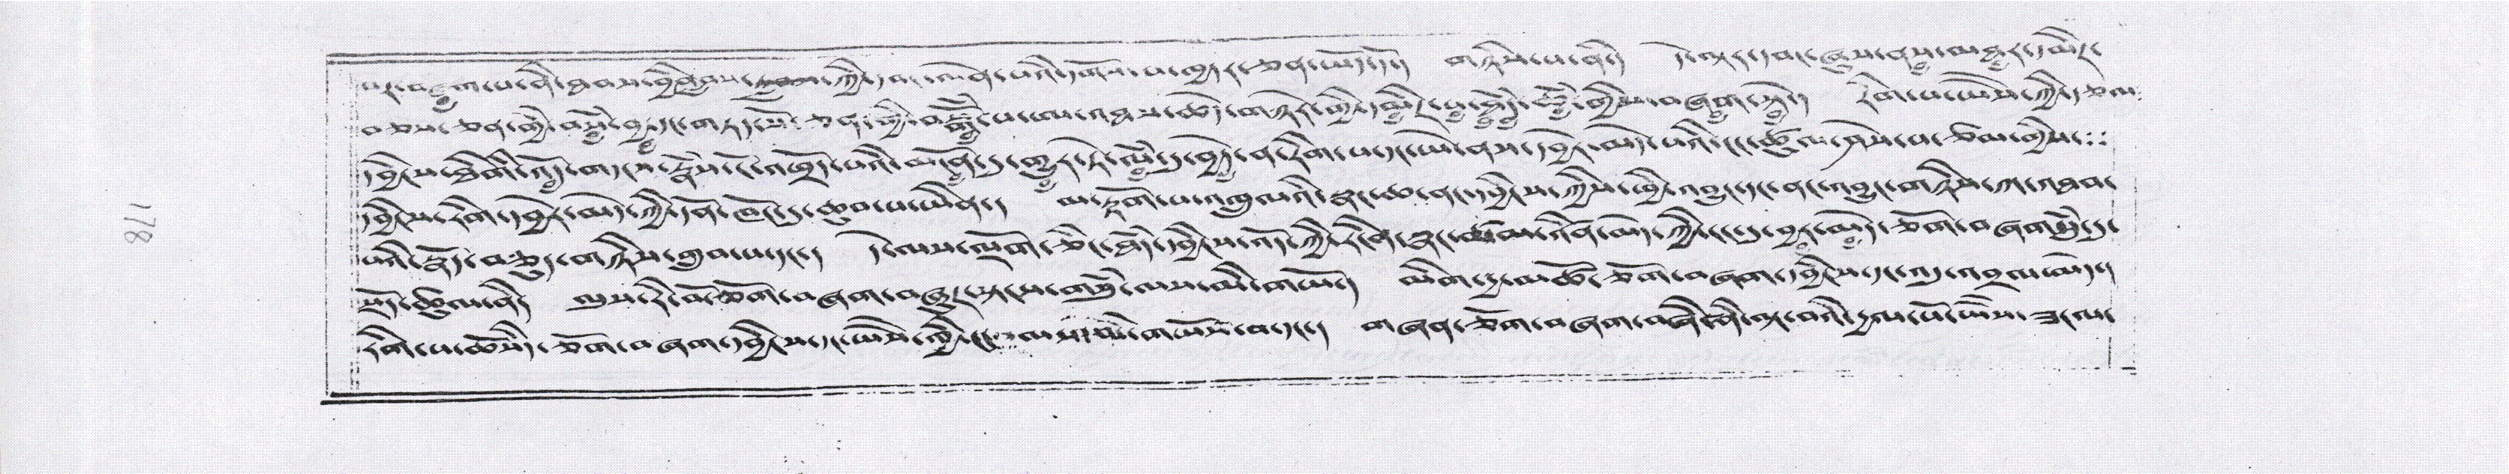པར་བཞག་པ་ནི་ཐབས་བྱིན་རླབས་ཀྱི་དབང་ལེན་པའི་དགོས་པ་ཁྱད་པར་ཅན་ཡོད་དོ། གཉིས་པ་ནི། དེ་ལྟར་དབང་ཞུས་ནས་མཐར་དམིགས་
བཅས་ཅན་གྱི་བསམ་བྱ་དང་གཏད་སོ་ཅན་གྱི་བསྒོམ་པ་ཨ་འཐས་ཆེད་གཉེར་གྱི་དམིགས་པ་ཐམས་ཅད་ཆམ་གྱིས་བཞག་སྟེ། རིག་པ་ཡེ་ཤེས་ཀྱི་རྩལ་
དབྱིངས་ཐིག་གི་འོད་གདངས་རྣམས་ངོ་འཕྲོད་པའི་མངོན་དུ་གྱུར་ཏེ་ལམ་དུ་བྱེད་ན་རིག་པ་དང་ཡེ་ནས་དབྱེར་མེད་པའི་ངང་ཚུལ་ཤེས་པ་ཙམ་གྱིས་
དབྱིངས་རིག་དབྱེར་མེད་ཀྱི་དོན་ཁོང་དུ་ཆུབ་པ་ཡིན། མ་རྟོགས་པ་འཁྲུལ་པའི་སྣང་ཆ་ནང་དབྱིངས་ཀྱིས་ཕྱི་འབྱུང་དང་ནང་འབྱུང་གཉིས་ཀ་འཐབ་
པའི་སྣོད་བཅུད་གཉིས་གྲུབ་པ་དང་། དེ་ལས་ལྡོག་སྟེ་ཐམས་ཅད་དབྱིངས་འོིད་ཀྱི་རང་བཞིན་སྣང་ཙམ་འཛིན་མེད་ཀྱི་ངང་དུ་བྱར་མེད་ཅོག་བཞག་གསུམ་དུ་
སྡོད་ཚུལ་ནི། ལུས་རི་བོ་ཅོག་བཞག་བཞུགས་སྟངས་གསུམ་ལས་མི་གཡོ། མིག་རྒྱ་མཚོ་ཅོག་བཞག་དབྱིངས་དང་འདུ་འབྲལ་མེད། 
རིག་པ་ཆོས་ཉིད་ཅོག་བཞག་དབྱིངས་དང་ཡེ་ཤེས་ཀྱི་ངང་ལས་མི་གཡོ་བ་དང་། གཞན་ཅོག་བཞག་བཞི་ནི་ལྟ་བའི་རྒྱལ་པོ་ཡེ་ཤེས་ཟང་ཐལ་